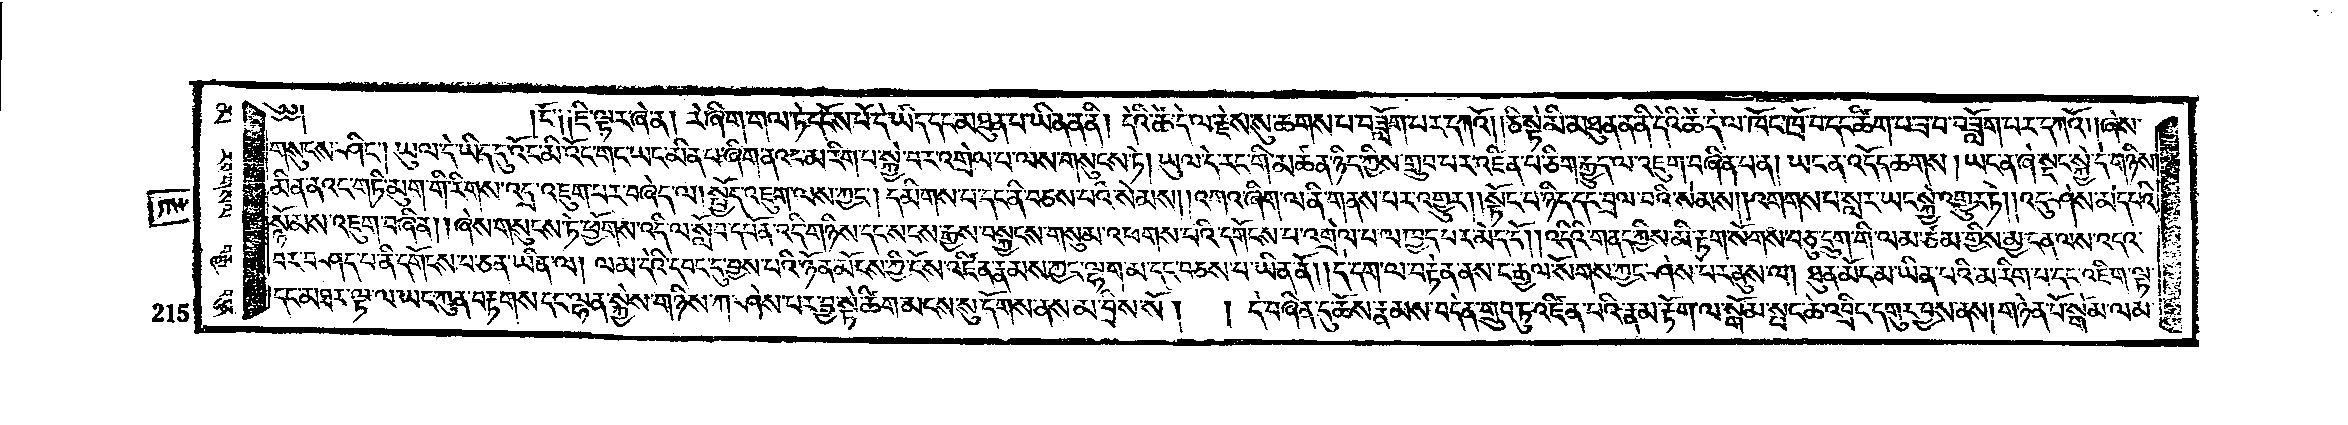༄༅། །ངོ། །ཇི་ལྟར་ཞེ་ན། རེ་ཞིག་གལ་ཏེ་དངོས་པོ་དེ་ཡིད་དང་མཐུན་པ་ཡིན་ན་ནི། དེའི་ཚེ་དེ་ལ་རྗེས་སུ་ཆགས་པ་བཟློག་པར་དཀའོ། །ཅི་སྟེ་མི་མཐུན་ན་ནི་དེའི་ཚེ་དེ་ལ་ཁོང་ཁྲོ་ང་དང་ཚིག་པ་ཟ་བ་བཟློག་པར་དཀའོ། །ཞེས་
གསུངས་ཤིང་། ཡུལ་དེ་ཡིད་དུ་འོང་མི་འོང་གང་ཡང་མིན་པ་ཞིག་ནའང་མ་རིག་པ་སྐྱེ་བར་འགྲེལ་པ་ལས་གསུངས་ཏེ། ཡུལ་དེ་རང་གི་མཚན་ཉིད་ཀྱིས་གྲུབ་པར་འཛིན་པ་ཞིག་རྒྱུད་ལ་འཇུག་བཞིན་པ་ན། ཡང་ན་འདོད་ཆགས། ཡང་ན་ཞེ་སྡང་སྐྱེ་དེ་གཉིས་
མིན་ནའང་གཏི་མུག་གི་རིགས་འདྲ་འཇུག་པར་བཞེད་ལ། སྤྱོད་འཇུག་ལས་ཀྱང་། དམིགས་པ་དང་ནི་བཅས་པའི་སེམས། །འགའ་ཞིག་ལ་ནི་གནས་པར་འགྱུར། །སྟོང་པ་ཉིད་དང་བྲལ་བའི་སེམས། །འགགས་པ་སླར་ཡང་སྐྱེ་འགྱུར་ཏེ། །འདུ་ཤེས་མེད་པའི་
སྙོམས་འཇུག་བཞིན། །ཞེས་གསུངས་ཏེ་ཕྱོགས་འདི་ལ་སློབ་དཔོན་འདི་གཉིས་དང་སངས་རྒྱས་བསྐྱངས་གསུམ་འཕགས་པའི་དགོངས་པ་འགྲེལ་པ་ལ་ཁྱད་པར་མེད་དོ། །འདིའི་གནད་ཀྱིས་མི་རྟག་སོགས་བཅུ་དྲུག་གི་ལམ་ཙམ་གྱིས་མྱ་ངན་ལས་འདའ་
བར་བཤད་པ་ནི་དགོངས་པ་ཅན་ཡིན་ལ། ལམ་དེའི་དབང་དུ་བྱས་པའི་ཉོན་མོངས་ཀྱི་ངོས་འཛིན་རྣམས་ཀྱང་ལྷག་མ་དང་བཅས་པ་ཡིན་ནོ། །དེ་དག་ལ་བརྟེན་ནས་ང་རྒྱལ་སོགས་ཀྱང་ཤེས་པར་ནུས་ལ། ཐུན་མོང་མ་ཡིན་པའི་མ་རིག་པ་དང་འཇིག་ལྟ་
དང་མཐར་ལྟ་ལ་ཡང་ཀུན་བརྟགས་དང་ལྷན་སྐྱེས་གཉིས་ཀ་ཤེས་པར་བྱ་སྟེ་ཚིག་མངས་སུ་དོགས་ནས་མ་བྲིས་སོ། །དེ་བཞིན་དུ་ཆོས་རྣམས་བདེན་གྲུབ་ཏུ་འཛིན་པའི་རྣམ་རྟོག་ལ་སྒོམ་སྤང་ཆེ་འབྲིང་དགུར་བྱས་ནས། གཉེན་པོ་སྒོམ་ལམ་